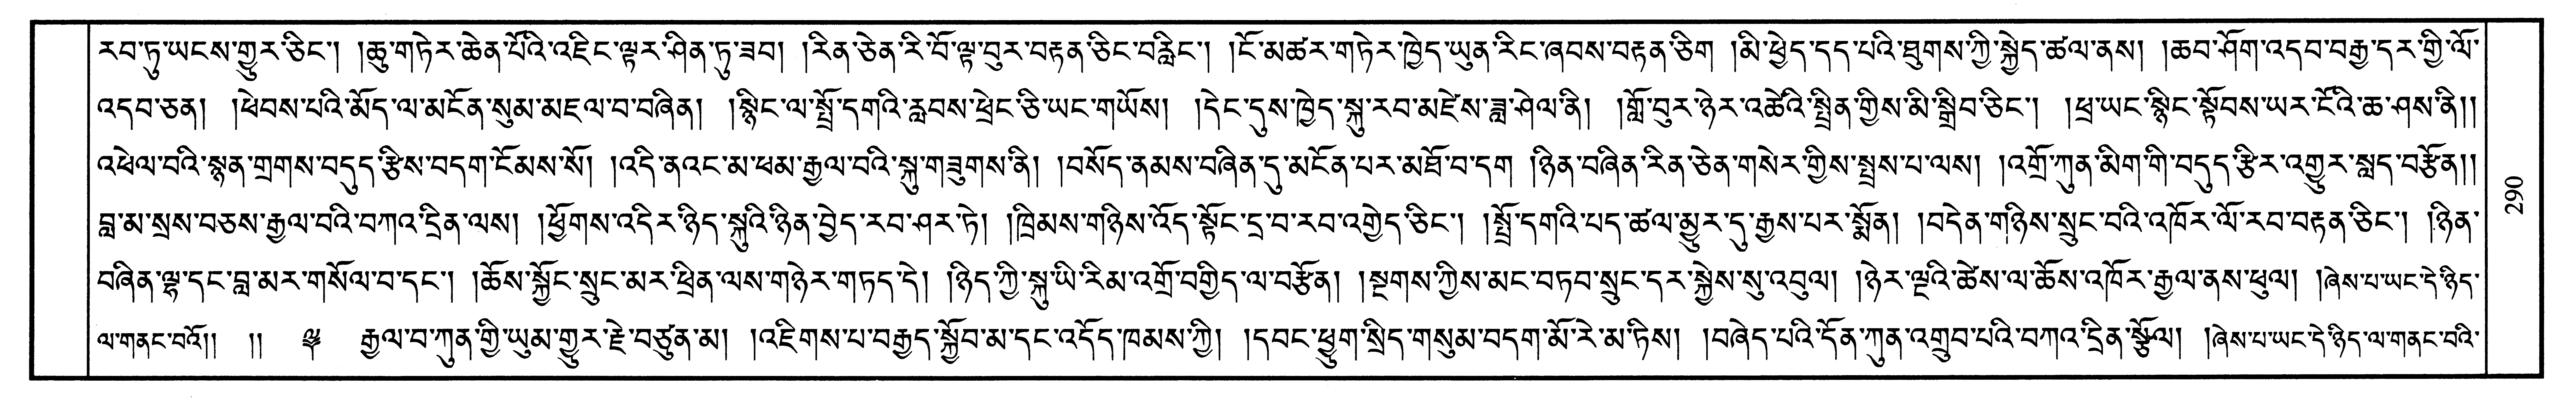རབ་ཏུ་ཡངས་གྱུར་ཅིང་། །ཆུ་གཏེར་ཆེན་པོའི་འཇིང་ལྟར་ཤིན་ཏུ་ཟབ། །རིན་ཅེན་རི་བོ་ལྟ་བུར་བརྟན་ཅིང་བརླིང་། །ངོ་མཚར་གཏེར་ཁྱེད་ཡུན་རིང་ཞབས་བརྟན་ཅིག །མི་ཕྱེད་དད་པའི་ཐུགས་ཀྱི་སྐྱེད་ཚལ་ནས། །ཆབ་ཤོག་འདབ་བརྒྱ་དར་གྱི་ལོ་
འདབ་ཅན། །ཕེབས་པའི་མོད་ལ་མངོན་སུམ་མཇལ་བ་བཞིན། །སྙིང་ལ་སྤྲོ་དགའི་རླབས་ཕྲེང་ཅི་ཡང་གཡོས། །དེང་དུས་ཁྱེད་སྐུ་རབ་མཛེས་ཟླ་ཤེལ་ནི། གློ་བུར་ཉེར་འཚེའི་སྤྲིན་གྱིས་མི་སྒྲིབ་ཅིང་། །ཕྲ་ཡང་སྙིང་སྟོབས་ཡར་ངོའི་ཆ་ཤས་ནི།།
འཕེལ་བའི་སྙན་གྲགས་བདུད་རྩིས་བདག་ངོམས་སོ། །འདི་ནའང་མ་ཕམ་རྒྱལ་བའི་སྐུ་གཟུགས་ནི། །བསོད་ནམས་བཞིན་དུ་མངོན་པར་མཐོ་བ་དག །ཉིན་བཞིན་རིན་ཅེན་གསེར་གྱིས་སྤྲས་པ་ལས། །འགྲོ་ཀུན་མིག་གི་བདུད་རྩིར་འགྱུར་སླད་བརྩོན།།
བླ་མ་སྲས་བཅས་རྒྱལ་བའི་བཀའ་དྲིན་ལས། །ཕྱོགས་འདིར་ཉིད་སྐུའི་ཉིན་བྱེད་རབ་ཤར་ཏེ། །ཁྲིམས་གཉིས་འོད་སྟོང་དྲ་བ་རབ་འགྱེད་ཅིང་། །སྤྲོ་དགའི་པད་ཚལ་མྱུར་དུ་རྒྱས་པར་སྨོན། །བདེན་གཉིས་སྲུང་བའི་འཁོར་ལོ་རབ་བརྟན་ཅིང་། །ཉིན་
བཞིན་ལྷ་དང་བླ་མར་གསོལ་བ་དང་། །ཆོས་སྐྱོང་སྲུང་མར་ཕྲིན་ལས་གཉེར་གཏད་དེ། །ཉིད་ཀྱི་སྐུ་ཡི་རིམ་འགྲོ་བགྱིད་ལ་བརྩོན། །སྔགས་ཀྱིས་མང་བཏབ་སྲུང་དར་སྐྱེས་སུ་འབུལ། །ཉེར་ལྔའི་ཚེས་ལ་ཆོས་འཁོར་རྒྱལ་ནས་ཕུལ། །ཞེས་པ་ཡང་དེ་ཉིད་
ལ་གནང་བའོ།། །། ༈ རྒྱལ་བ་ཀུན་གྱི་ཡུམ་གྱུར་རྗེ་བཙུན་མ། །འཇིགས་པ་བརྒྱད་སྐྱོབ་མ་དང་འདོད་ཁམས་ཀྱི། །དབང་ཕྱུག་སྲིད་གསུམ་བདག་མོ་རེ་མ་ཏིས། །བཞེད་པའི་དོན་ཀུན་འགྲུབ་པའི་བཀའ་དྲིན་སྩོལ། །ཞེས་པ་ཡང་དེ་ཉིད་ལ་གནང་བའི་